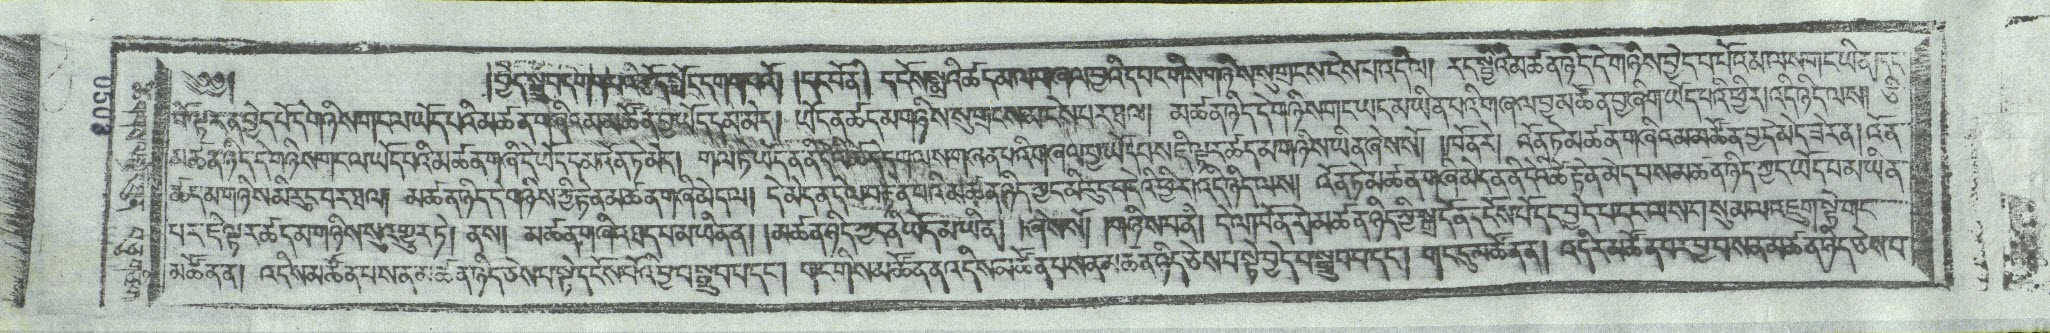༄༅། །བྱེད་སྒྲུབ་དགག་པའི་རྩོད་སྤོང་དགག་པའོ། །དང་པོ་ནི། དངོས་སྨྲའི་ཚད་མ་ལ་གཞལ་བྱའི་དབང་གིས་གཉིས་སུ་གྲངས་ངེས་པ་འདི་ལ། རང་སྤྱིའི་མཚན་ཉིད་དེ་གཉིས་བྱེད་པ་པོའམ་ལས་གང་ཡིན། དང་
པོ་ལྟར་ན་བྱེད་པོ་དེ་གཉིས་གང་ལ་ཡོད་པའི་མཚན་གཞིའམ་མཚོན་བྱ་ཡོད་དམ་མེད། ཡོད་ན་ཚད་མ་གཉིས་སུ་གྲངས་མ་ངེས་པར་ཐལ། མཚན་ཉིད་དེ་གཉིས་གང་ཡང་མ་ཡིན་པའི་གཞལ་བྱ་མཚོན་བྱ་ཞིག་ཡོད་པའི་ཕྱིར། འདི་ཉིད་ལས། ཅི་
མཚན་ཉིད་དེ་གཉིས་གང་ལ་ཡོད་པའི་མཚན་གཞི་དེ་ཡོད་དམ་འོན་ཏེ་མེད། གལ་ཏེ་ཡོད་ན་ནི་དེའི་ཚེ་དེ་དག་ལས་གཞན་པའི་གཞལ་བྱ་ཡོད་པས་ཇི་ལྟར་ཚད་མ་གཉིས་ཡིན་ཞེས་སོ། །ཁོ་ན་རེ། འོན་ཏེ་མཚན་གཞིའམ་མཚོན་བྱ་དེ་མེད་ཟེར་ན། འོན་
ཚད་མ་གཉིས་མི་རུང་བར་ཐལ། མཚན་ཉིད་དེ་གཉིས་ཀྱི་རྟེན་མཚན་གཞི་མེད་ལ། དེ་མེད་ན་དེ་ལ་བརྟེན་པའི་མཚན་ཉིད་ཀྱང་མི་རུང་བ་དེའི་ཕྱིར། འདི་ཉིད་ལས། འོན་ཏེ་མཚན་གཞི་མེད་ན་ནི་དེའི་ཚེ་རྟེན་མེད་བས་མཚན་ཉིད་ཀྱང་ཡོད་པ་མ་ཡིན་
པར་ཇི་ལྟར་ཚད་མ་གཉིས་སུ་འགྱུར་ཏེ། ནས། མཚན་གཞི་འཐད་པ་མ་ཡིན་ན། །མཚན་ཉིད་ཀྱང་ནི་ཡོད་མ་ཡིན། །ཞེས་སོ། །གཉིས་པ་ནི། དེ་ལ་ཁོ་ན་རེ། མཚན་ཉིད་ཀྱི་སྒྲ་དོན་དངོས་པོ་དང་བྱེད་པ་དང་ལས་གསུམ་ལ་འཇུག་སྟེ་གང་
མཚོན་ན། འདིས་མཚོན་པས་ན་མཚན་ཉིད་ཅེས་པ་སྟེ་དངོས་པོའི་བྱ་བ་སྒྲུབ་པ་དང་། གང་གིས་མཚོན་ན་འདིས་མཚོན་པས་ན་མཚན་ཉིད་ཅེས་པ་སྟེ་བྱེད་པ་སྒྲུབ་པ་དང་། གང་དུ་མཚོན་ན། འདིར་མཚོན་པར་བྱ་བས་ན་མཚན་ཉིད་ཅེས་པ་